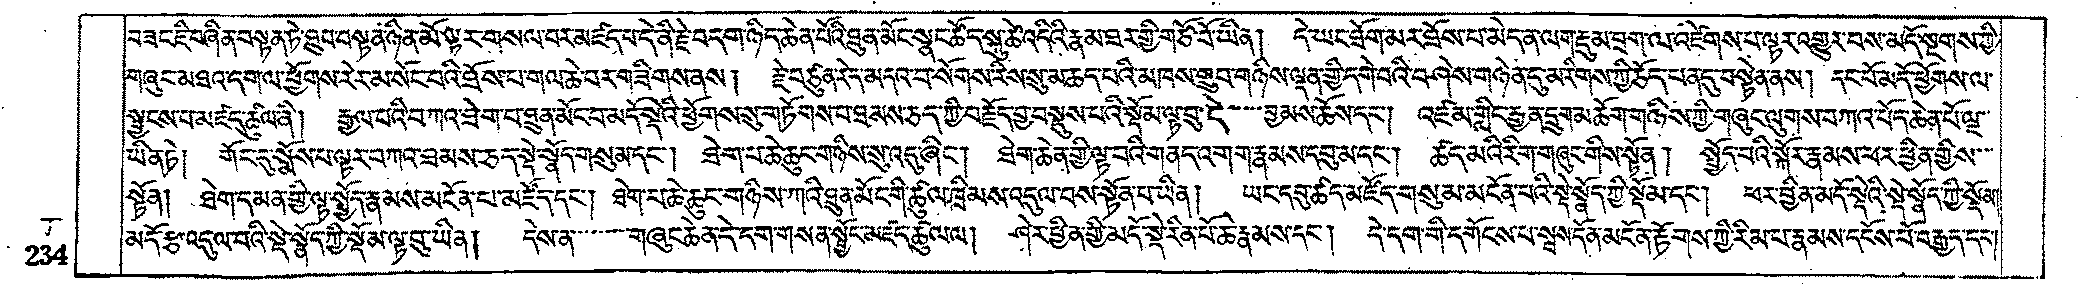བཟང་ཇི་བཞིན་བསྟན་ཏེ་ཐུབ་བསྟན་ཉིན་མོ་ལྟར་གསལ་བར་མཛད་པ་དེ་ནི་རྗེ་བདག་ཉིད་ཆེན་པོའི་ཐུན་མོང་སྣང་ཚོད་སྐུ་ཚེ་འདིའི་རྣམ་ཐར་གྱི་གཙོ་བོ་ཡིན། དེ་ཡང་ཐོག་མར་ཐོས་པ་མེད་ན་ལག་རྡུམ་བྲག་ལ་འཛེགས་པ་ལྟར་འགྱུར་བས་མདོ་སྔགས་ཀྱི་
གཞུང་མཐའ་དག་ལ་ཕྱོགས་རེར་མ་སོང་བའི་ཐོས་པ་གལ་ཆེ་བར་གཟིགས་ནས། རྗེ་བཙུན་རེད་མདའ་བ་སོགས་རིས་སུ་མ་ཆད་པའི་མཁས་གྲུབ་གཉིས་ལྡན་གྱི་དགེ་བའི་བཤེས་གཉེན་དུ་མ་རིགས་ཀྱི་ཅོད་པན་དུ་བསྟེན་ནས། དང་པོ་མདོ་ཕྱོགས་ལ་
སྦྱངས་པ་མཛད་ཚུལ་ནི། རྒྱལ་བའི་བཀའ་ཐེག་པ་ཐུན་མོང་བ་མདོ་སྡེའི་ཕྱོགས་སུ་གཏོགས་པ་ཐམས་ཅད་ཀྱི་བརྗོད་བྱ་བསྡུས་པའི་སྡོམ་ལྟ་བུ་དེ་་་བྱམས་ཆོས་དང་། འཛམ་གླིང་རྒྱན་དྲུག་མཆོག་གཉིས་ཀྱི་གཞུང་ལུགས་བཀའ་པོད་ཆེན་པོ་ལྔ་་་
ཡིན་ཏེ། གོང་དུ་སྨོས་པ་ལྟར་བཀའ་ཐམས་ཅད་སྡེ་སྣོད་གསུམ་དང་། ཐེག་པ་ཆེ་ཆུང་གཉིས་སུ་འདུ་ཞིང་། ཐེག་ཆེན་གྱི་ལྟ་བའི་གནད་འགག་རྣམས་དབུ་མ་དང་། ཚད་མའི་རིག་གཞུང་གིས་སྟོན། སྤྱོད་པའི་སྐོར་རྣམས་ཕར་ཕྱིན་གྱིས་་་
སྟོན། ཐེག་དམན་གྱི་ལྟ་སྤྱོད་རྣམས་མངོན་པ་མཛོད་དང་། ཐེག་པ་ཆེ་ཆུང་གཉིས་ཀའི་ཐུན་མོང་གི་ཚུལ་ཁྲིམས་འདུལ་བས་སྟོན་པ་ཡིན། ཡང་དབུ་ཚད་མཛོད་གསུམ་མངོན་པའི་སྡེ་སྣོད་ཀྱི་སྡོམ་དང་། ཕར་ཕྱིན་མདོ་སྡེའི་སྡེ་སྣོད་ཀྱི་སྡོམ།
མདོ་རྩ་འདུལ་བའི་སྡེ་སྣོད་ཀྱི་སྡོམ་ལྟ་བུ་ཡིན། དེས་ན་་་གཞུང་ཆེན་དེ་དག་གསན་སྦྱོང་མཛད་ཚུལ་ལ། ཤེར་ཕྱིན་གྱི་མདོ་སྡེ་རིན་པོ་ཆེ་རྣམས་དང་། དེ་དག་གི་དགོངས་པ་སྦས་དོན་མངོན་རྟོགས་ཀྱི་རིམ་པ་རྣམས་དངོས་པོ་བརྒྱད་དང་།